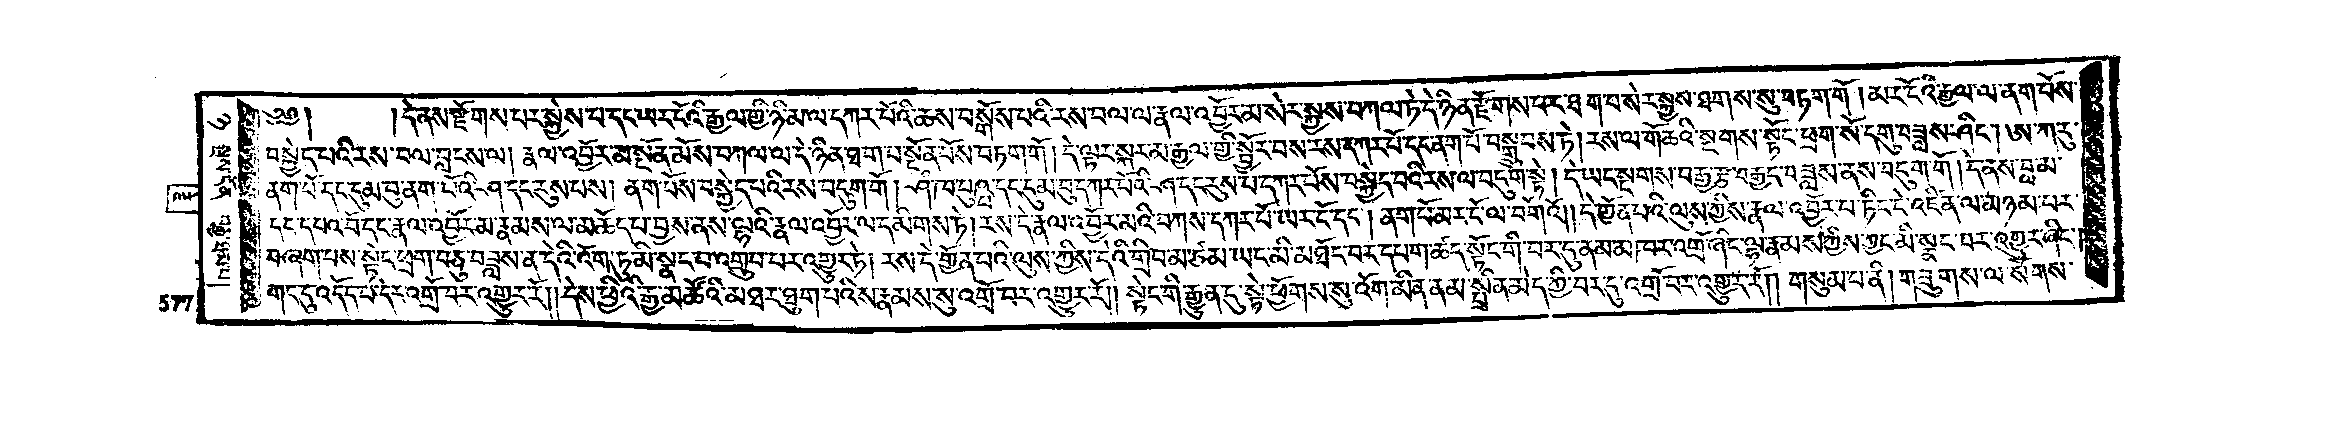༄༅། །དེ་ནས་རྫོགས་པར་སྐྱེས་པ་དང་ཡར་ངོའི་རྒྱལ་གྱི་ཉི་མ་ལ་དཀར་པོའི་ཆས་བསྒོས་པའི་རས་བལ་ལ་རྣལ་འབྱོར་མ་སེར་སྐྱས་བཀལ་ཏེ་དེ་ཉིན་རྫོགས་པར་ཐག་བ་སེར་སྐྱས་ཐགས་སུ་བཏག་གོ །མར་ངོའི་རྒྱལ་ལ་ནག་པོས་
བསྐྱེད་པའི་རས་བལ་བླངས་ལ། རྣལ་འབྱོར་མ་སྔོན་མོས་བཀལ་ལ་དེ་ཉིན་ཐག་པ་སྔོན་པོས་བཏག་གོ །དེ་ལྟར་སྐར་མ་རྒྱལ་གྱི་སྦྱོར་བས་རས་དཀར་པོ་དང་ནག་པོ་བསྒྲུབས་ཏེ། རས་ལ་གོ་ཆའི་སྔགས་སྟོང་ཕྲག་སོ་དགུ་བཟླས་ཤིང་། ཨ་ཀ་རུ་
ནག་པོ་དང་དུམ་བུ་ནག་པོའི་ཤ་དང་རུས་པས། ནག་པོས་བསྐྱེད་པའི་རས་བདུག་གོ །ཤཾ་ཁ་པུཥྦ་དང་དུམ་བུ་དཀར་པོའི་ཤ་དང་རུས་པ་དཀར་པོས་བསྐྱེད་པའི་རས་ལ་བདུག་སྟེ། དེ་ཡང་སྔགས་བརྒྱ་རྩ་བརྒྱད་བཟླས་ནས་བདུག་གོ །དེ་ནས་བླ་མ་
དང་དཔའ་བོ་དང་རྣལ་འབྱོར་མ་རྣམས་ལ་མཆོད་པ་བྱས་ནས་ལྷའི་རྣལ་འབྱོར་ལ་དམིགས་ཏེ། རས་དེ་རྣལ་འབྱོར་མའི་བཀས་དཀར་པོ་ཡར་ངོ་དང་། ནག་པོ་མར་ངོ་ལ་བགོའོ། །དེ་གྱོན་པའི་ལུས་ཀྱིས་རྣལ་འབྱོར་པ་ཏིང་ངེ་འཛིན་ལ་མཉམ་པར་
བཞག་པས་སྟོང་ཕྲག་བཅུ་བཟླས་ན་དེའི་འོག་ཏུ་མི་སྣང་བ་འགྲུབ་པར་འགྱུར་ཏེ། རས་དེ་གྱོན་པའི་ལུས་ཀྱིས་དེའི་གྲིབ་མ་ཙམ་ཡང་མི་མཐོང་བར་དཔག་ཚད་སྟོང་གི་བར་དུ་ནམ་མཁར་འགྲོ་ཞིང་ལྷ་རྣམས་ཀྱིས་ཀྱང་མི་སྣང་བར་འགྱུར་ཞིང་།
གང་དུ་འདོད་པ་དེར་འགྲོ་བར་འགྱུར་རོ། །དེས་ཕྱིའི་རྒྱ་མཚོའི་མཐར་ཐུག་པའི་ས་རྣམས་སུ་འགྲོ་བར་འགྱུར་རོ། །སྟེང་གི་རྒྱུན་དུ་སྟེ་ཕྱོགས་སུ་འོག་མིན་ནམ་སྤྲིན་མེད་ཀྱི་བར་དུ་འགྲོ་བར་འགྱུར་རོ། །གསུམ་པ་ནི། གཟུགས་ལ་སོགས་